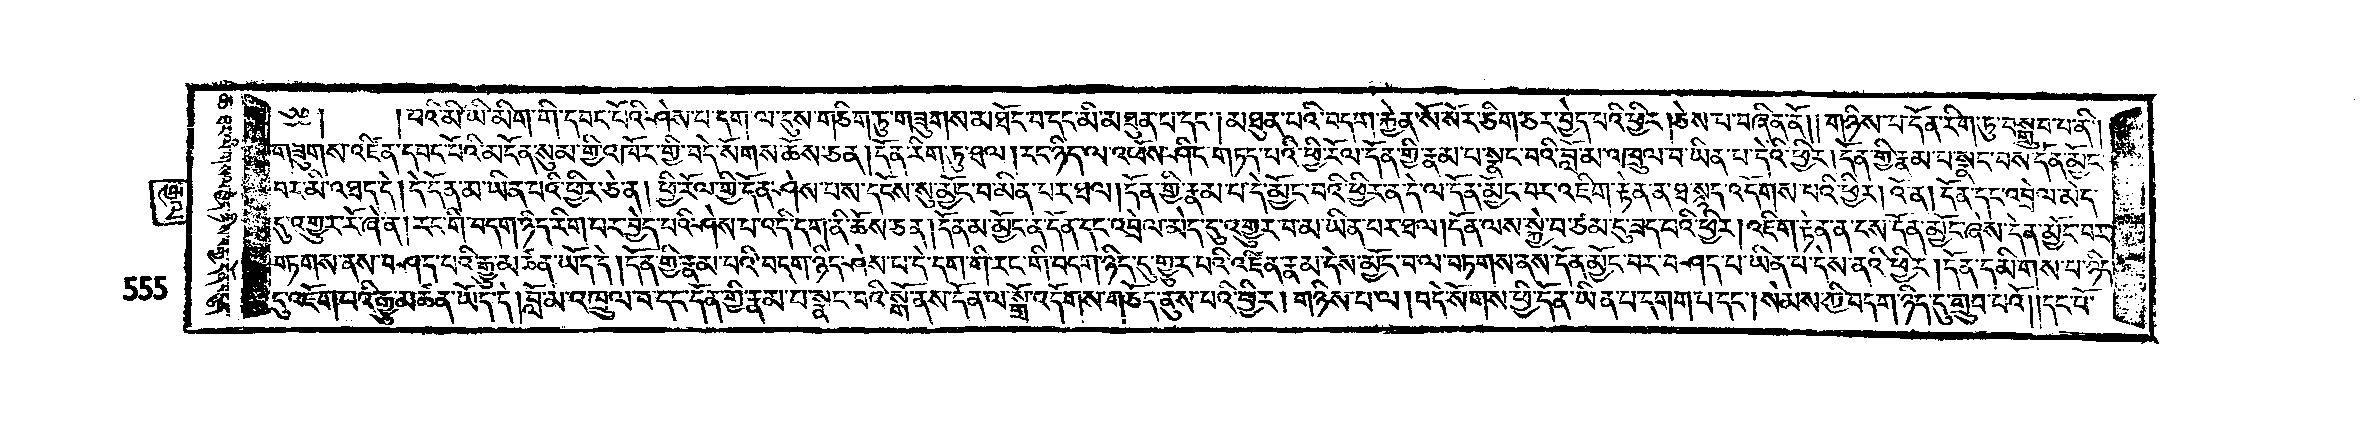༄༅། །བའི་མི་ཡི་མིག་གི་དབང་པོའི་ཤེས་པ་དག་ལ་དུས་གཅིག་ཏུ་གཟུགས་མཐོང་བ་དང་མི་མཐུན་པ་དང་། མཐུན་པའི་བདག་རྐྱེན་སོ་སོར་ཅིག་ཅར་བྱེད་པའི་ཕྱིར། ཅེས་པ་བཞིན་ནོ། །གཉིས་པ་དོན་རིག་ཏུ་བསྒྲུབ་པ་ནི།
གཟུགས་འཛིན་དབང་པོའི་མངོན་སུམ་གྱི་འཁོར་གྱི་བདེ་སོགས་ཆོས་ཅན། དོན་རིག་ཏུ་ཤལ། རང་ཉིད་ལ་འཕོས་ཤིང་གཏད་པའི་ཕྱི་རོལ་དོན་གྱི་རྣམ་པ་སྣང་བའི་བློ་མ་འཁྲུལ་བ་ཡིན་པ་དེའི་ཕྱིར། དོན་གྱི་རྣམ་པ་སྣང་བས་དོན་མྱོང་
བར་མི་འཐད་དེ། དེ་དོན་མ་ཡིན་པའི་ཕྱིར་ཅེ་ན། ཕྱི་རོལ་གྱི་དོན་ཤེས་པས་དངོས་སུ་མྱོང་བ་མིན་པར་ཐལ། དོན་གྱི་རྣམ་པ་དེ་མྱོང་བའི་ཕྱིར་ན་དེ་ལ་དོན་མྱོང་བར་འཇིག་རྟེན་ན་ཐ་སྙད་འདོགས་པའི་ཕྱིར། འོ་ན། དོན་དང་འབྲེལ་མེད་
དུ་འགྱུར་རོ་ཞེ་ན། རང་གི་བདག་ཉིད་རིག་པར་བྱེད་པའི་ཤེས་པ་འདི་དག་ནི་ཆོས་ཅན། དོན་མ་མྱོང་ན་དོན་དང་འབྲེལ་མེད་དུ་འགྱུར་བ་མ་ཡིན་པར་ཐལ། དོན་ལས་སྐྱེ་བ་ཅམ་དུ་ཟད་པའི་ཕྱིར། འཇིག་རྟེན་ན་ངས་དོན་མྱོང་ཞེས་དེན་མྱོང་པར་
བཏགས་ནས་བཤད་པའི་རྒྱུ་མཚན་ཡོད་དེ། དོན་གྱི་རྣམ་པའི་བདག་ཉིད་ཤེས་པ་དེ་དག་གི་རང་གི་བདག་ཉིད་དུ་གྱུར་པའི་འཛིན་རྣམ་དེས་མྱོང་བ་ལ་བཏགས་ནས་དོན་མྱོང་བར་བཤད་པ་ཡིན་པ་དེས་ནའི་ཕྱིར། དོན་དམིགས་པ་ཉིད་
དུ་འཇོག་པའི་རྒྱུ་མཚན་ཡོད་དེ། བློ་མ་འཁྲུལ་བ་དང་དོན་གྱི་རྣམ་པ་སྣང་བའི་སྒོ་ནས་དོན་ལ་སྒྲོ་འདོགས་གཅོད་ནུས་པའི་ཕྱིར། གཉིས་པ་ལ། བདེ་སོགས་ཕྱི་དོན་ཡིན་པ་དགག་པ་དང་། སེམས་ཀྱི་བདག་ཉིད་དུ་གྲུབ་པའི། །དང་པོ་